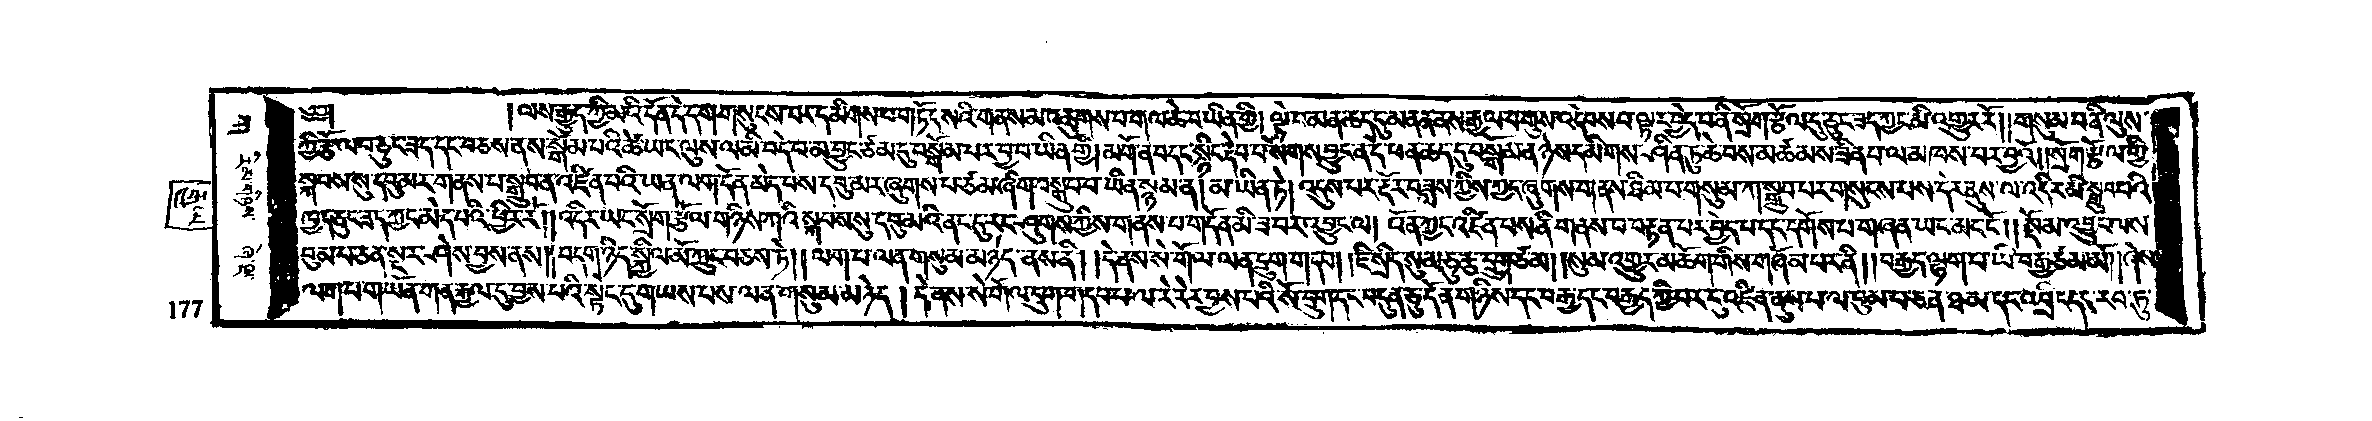༄༅། །ལས་རྒྱུད་ཀྱི་མའི་དོན་དེ་དག་གསུངས་པར་དམིགས་པ་གཏོད་སའི་གནས་མ་འཆུགས་པ་གལ་ཆེ་བ་ཡིན་གྱི། ལྟེ་བ་མན་ཆད་དུ་མནན་ནས་རྒྱལ་བ་གུས་འདེབས་པ་ལྟར་བྱེད་པ་ནི་སྲོག་རྩོལ་དུ་ཅུང་ཟད་ཀྱང་མི་འགྱུར་རོ། །གསུམ་པ་ནི་ལུས་
ཀྱི་རྩོལ་བ་ཅུང་ཟད་དང་བཅས་ནས་སྒོམ་པའི་ཚེ་ཡང་ལུས་ལ་མི་བདེ་བ་མ་བྱུང་ཙམ་དུ་བསྒོམ་པར་བྱ་བ་ཡིན་གྱི། མགོ་ན་བ་དང་སྙིང་རྡེབ་པ་སོགས་བྱུང་ན་དེ་ཕན་ཆད་དུ་བསྒོམ་ན་ཉེས་དམིགས་ཤིན་ཏུ་ཆེ་བས་མཚམས་ཟིན་པ་ལ་མཁས་པར་བྱའོ། །སྲོག་རྩོལ་གྱི་
སྐབས་སུ་དབུ་མར་གནས་པ་སྒྲུབ་ན་འཛིན་པའི་ཡན་ལག་དོན་མེད་པས་དབུ་མར་ཞུགས་པ་ཙམ་ཞིག་བསྒྲུབ་པ་ཡིན་སྙམ་ན། མ་ཡིན་ཏེ། འདུས་པར་རྡོར་བཟླས་ཀྱིས་ཀྱང་ཞུགས་གནས་ཐིམ་པ་གསུམ་ཀ་སྒྲུབ་པར་གསུངས་པས་དེར་ནུས་ལ་འདིར་མི་སྒྲུབ་པའི་
ཁྱད་ཅུང་ཟད་ཀྱང་མེད་པའི་ཕྱིར་རོ། །འདིར་ཡང་སྲོག་རྩོལ་གཉིས་ཀའི་སྐབས་སུ་དབུ་མའི་ནང་དུ་རང་ཤུགས་ཀྱིས་གནས་པ་གདོན་མི་ཟ་བར་འབྱུང་ལ། འོན་ཀྱང་འཛིན་པས་ནི་གནས་པ་བརྟན་པར་བྱེད་པ་དང་དགོས་པ་གཞན་ཡང་མང་ངོ། །སྡོམ་འབྱུང་ལས་
བུམ་པ་ཅན་སྔར་ཤེས་བྱས་ནས། །བདག་ཉིད་སྐྱིལ་མོ་ཀྲུང་བཅས་ཏེ། །ལག་པ་ལན་གསུམ་མཉེད་ནས་ནི། །དེ་ནས་སེ་གོལ་ལན་དྲུག་གདབ། །ཇི་སྲིད་སུམ་ཅུ་རྩ་དྲུག་ཙམ། །སུམ་འགྱུར་མཆོག་གིས་གཞོམ་པར་ནི། །བརྒྱད་ལྷག་པ་ཡི་བརྒྱ་ཙམ་མོ། །ཞེས་
ལག་པ་གཡོན་གན་རྐྱལ་དུ་བྱས་པའི་སྟེང་དུ་གཡས་པས་ལན་གསུམ་མཉེད། དེ་ནས་སེ་གོ་ལ་དྲུག་གདབ་པ་ལ་རེ་རེར་བྱས་པའི་སོ་དྲུག་དང་བདུན་ཅུ་དོན་གཉིས་དང་བརྒྱ་དང་བརྒྱད་ཀྱི་བར་དུ་འཛིན་ནུས་པ་ལ་བུམ་པ་ཅན་ཐ་མ་དང་འབྲིང་དང་རབ་ཏུ་